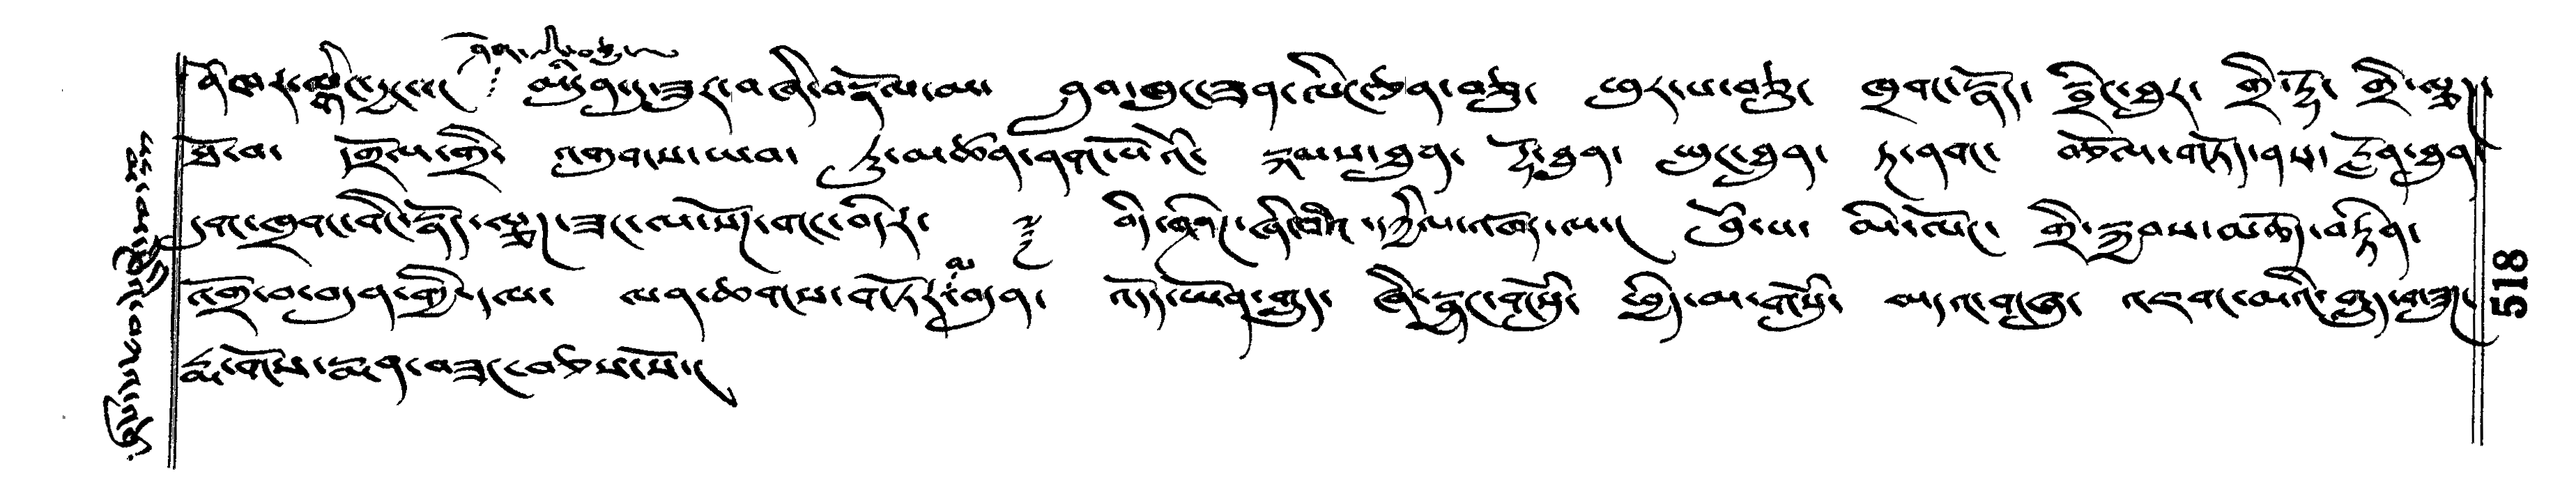ནམ་མཁར་ལིངྒ་རྒྱང་། ཤོག་ལིང་བཅུ། མདུན་དུ་ཟུར་བཞི་བསྣོལ་མ། བྲུབ་ཁུང་ཟན་ལིང་ཅན་བཅུ། ཕུར་པ་བཅུ། ཁྲག་སྣོད། སྦྲེང་ཐུར། གྲི་རྡོ། གྲི་ལྕགས་
ཐོ་བ།སྒྲོལ་གྲི། འགུགས་གཡབ། རུ་མཚོན་ནག་པོའམ། སྐམ་ཐུན། རྡོ་ཐུན། ཡུངས་ཐུན། རྔ་ནག བཅོལ་གཏད་ནས། རློན་ཐུན། 
དུག་ཁྲག་གི་སྣོད་ལྕགས་ཟངས་ལ་སོགས། གང་བདེར་བདེ་གཤེགས་ཞི་བའི་དཀྱིལ་འཁོར་ལ། བུམ་པ། མེ་ལོང་། གྲི་སྐྱབས་མཆོད་བརྟེན། 
འགྲོ་བ་བདུན་གྱི་དལ། ལན་ཆགས་གཏོར་མ་བདུན། འདོད་ཡོན་གླུད། ཞི་སྦྱང་གསུམ། ཕྱེད་མ་གསུམ། མདའ་གཞུ། འཇག་མའི་གླུད་གཟུགས་
རྨ་བྱའི་སྒྲོ། སྨན་བཟང་བཅས་སོ།།